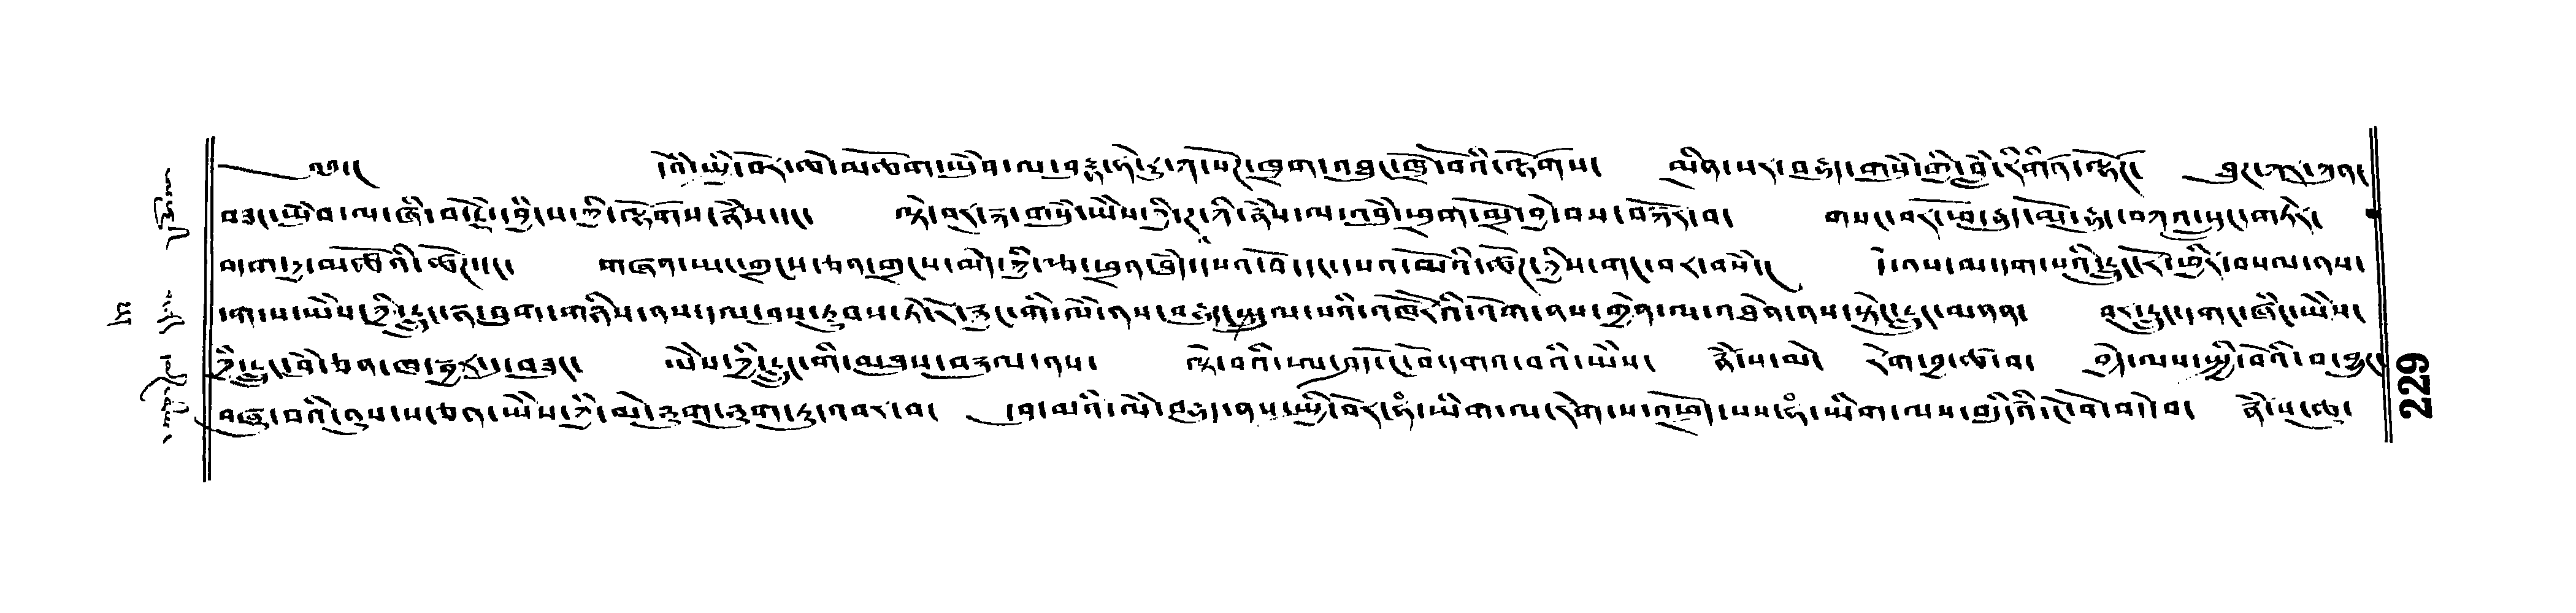དེའི་སྤྱི་བོར་ཆེ་མཆོག་ཡབ་ཡུམ་ལ་བུདྡྷ་ཧེ་རུ་ཀ་སོགས་ཁྲག་འཐུང་ཁྲོ་བོའི་ལྷ་ཚོགས། མགྲིན་པར་བརྒྱུད་གསུམ་གྱི་བླ་མ་རིག་འཛིན་ལྷ་ཚོགས། ཐུགས་ཀར་ཀུན་
བཟང་ཡབ་ཡུམ་ལ་ཞི་བ་རྡོ་རྗེ་དབྱིངས་ཀྱི་ལྷ་ཚོགས་རྣམས་དང་། ལྟེ་བར་སྐུ་གསུམ་ཡེ་ཤེས་ཀྱི་ཌཱ་ཀི་རྣམས་ལ་འཁོར་འབུམ་ཕྲག་བྱེ་བས་བསྐོར་བ། གསང་བར་ཕོ་རྒྱུད་མོ་རྒྱུད་བཀའ་སྲུང་གཏེར་
བདག་རྒྱ་མཚོའི་ཚོགས་དང་། གཞན་ཡང་གྲངས་ཅན་གྲངས་མེད་ཀྱི་རྩ་ཕྲན་ཐམས་ཅད་དཔའ་བོ་དང་དཔའ་མོའི་ཚོགས་ཀྱིས་གང་བར་བསམ། དེ་ནས་མ་དག་པའི་རླུང་རོ་ཕྱིར་བསལ་ནས་
དག་པ་ཡེ་ཤེས་ཀྱི་རླུང་སྣ་བུག་གཉིས་ནས་དལ་བུས་རྡུབས་ཏེ་རོ་རྐྱང་གི་ལམ་ནས་བརྒྱུད་སྤྲུལ་པའི་འཁོར་ལོའི་འོག་ནས་གྱེན་ལ་འཐེན་ནས་སྟེང་རླུང་མནན། བར་རླུང་དགང་ཞིང་ཡེ་ཤེས་
ཀྱི་རླུང་བུམ་ཅན་ཁ་སྦྱར་དུ་བཟུང་། ཡེ་ཤེས་ཀྱི་རླུང་གི་མཐུས་བསྐུལ་ནས། ལྟེ་བའི་ཨ་ཤད་ངོ་བོ་དགའ་བའི་ཡེ་ཤེས། རྣམ་པ་མེ། རེག་བྱ་ཚ་བ། བྱེད་ལས་སྤྱི་བོའི་བ་བྱུང་
བཞུ་བའི་ནུས་པ་ཅན་ཡེ་ཤེས་ཀྱི་མེ་ཉུག་ཉུག་ཏུ་འབར་བ། དབུ་མའི་ལམ་བརྒྱུད་ནས་སྤྱི་བོར་ཧཾ་ཡིག་ལ་རེག་པ་འཕྲོད་པས་ཧཾ་ཡིག་ལས་བདུད་རྩིའི་ངོ་བོ་བདེ་བ། རྣམ་པ་ཆུ།